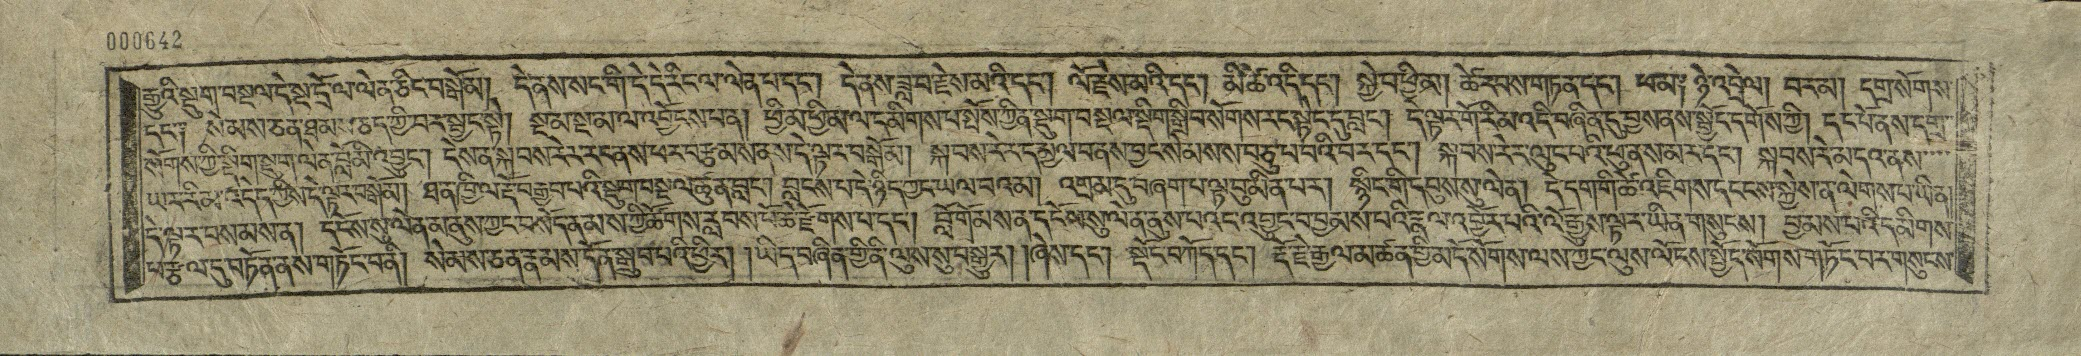རྒྱུའི་སྡུག་བསྔལ་དེ་སྔ་དྲོ་ལ་ལེན་ཅིང་བསྒོམ། དེ་ནས་སང་གི་དེ་དེ་རིང་ལ་ལེན་པ་དང་། དེ་ནས་ཟླ་བ་རྗེས་མའི་དང་། ལོ་རྗེས་མའི་དང་། མི་ཚེ་འདི་དང་། སྐྱེ་བ་ཕྱི་མ། ཚེ་རབས་གཏན་དང་། ཕ་མ༑ ཉེ་འབྲེལ། བར་མ། དགྲ་སོགས་
དང༑ སེམས་ཅན་ཐམས་ཅད་ཀྱི་བར་སྦྱང་སྟེ། སྔ་མ་སྔ་མ་ལ་འབྱོངས་པ་ན། ཕྱི་མ་ཕྱི་མ་ལ་དམིགས་པ་སྤོས་ཀྱི་ན་སྡུག་བསྔལ་སྡིག་སྒྲིབ་སོགས་རང་སྟེང་དུ་བླང་། དེ་ལྟར་གོ་རིམ་འདི་བཞིན་དུ་བྱས་ནས་སྦྱོང་དགོས་ཀྱི། དང་པོ་ནས་དགྲ་
སོགས་ཀྱི་སྡིག་སྡུག་ལེན་བློ་མི་འབྱུང་། དེས་ན་སྐབས་རེར་རང་ནས་ཕར་བརྩམས་ནས་དེ་ལྟར་བསྒོམ། སྐབས་རེར་དམྱལ་བ་ནས་བྱང་སེམས་ས་བཅུ་པ་བའི་བར་དང་། སྐབས་རེར་ལུང་པའི་ཕུ་ནས་མར་དང་། སྐབས་རེ་མདའ་ནས་
ཡར་རིམ་འདེད་ཀྱིས་དེ་ལྟར་བསྒོམ། ཐ་ན་ཁྱི་ལ་རྡོ་བརྒྱབ་པའི་སྡུག་བསྔལ་ཚུན་བླང་། བླངས་པ་དེ་ཉིད་ཀྱང་ཡལ་བའམ། འགྲམ་དུ་བཞག་པ་ལྟ་བུ་མིན་པར། སྙིང་གི་དབུས་སུ་ལེན། དེ་དག་གི་ཚེ་འཇིགས་དང་ངས་སྐྱེས་ན་ལེགས་པ་ཡིན།
དེ་ལྟར་བསམས་ན། དངོས་སུ་ལེན་མ་ནུས་ཀྱང་བསོད་ནམས་ཀྱི་ཚོགས་རླབས་པོ་ཆེ་རྫོགས་པ་དང་། བློ་གོམས་ན་དངོས་སུ་ལེན་ནུས་པའང་འབྱུང་བ་བྱམས་པའི་རྣལ་འབྱོར་པའི་ལོ་རྒྱུས་ལྟར་ཡིན་གསུངས། བྱམས་པའི་དམིགས་
པ་རྩལ་དུ་བཏོན་ནས་གཏོང་བ་ནི། སེམས་ཅན་རྣམས་དོན་སྒྲུབ་པའི་ཕྱིར། །ཡིད་བཞིན་གྱི་ནི་ལུས་སུ་བསྒྱུར། །ཞེས་དང་། སྡོང་བཀོད་དང་། རྡོ་རྗེ་རྒྱལ་མཚན་གྱི་མདོ་སོགས་ལས་ཀྱང་ལུས་ལོངས་སྤྱོད་སོགས་གཏོང་བར་གསུངས་